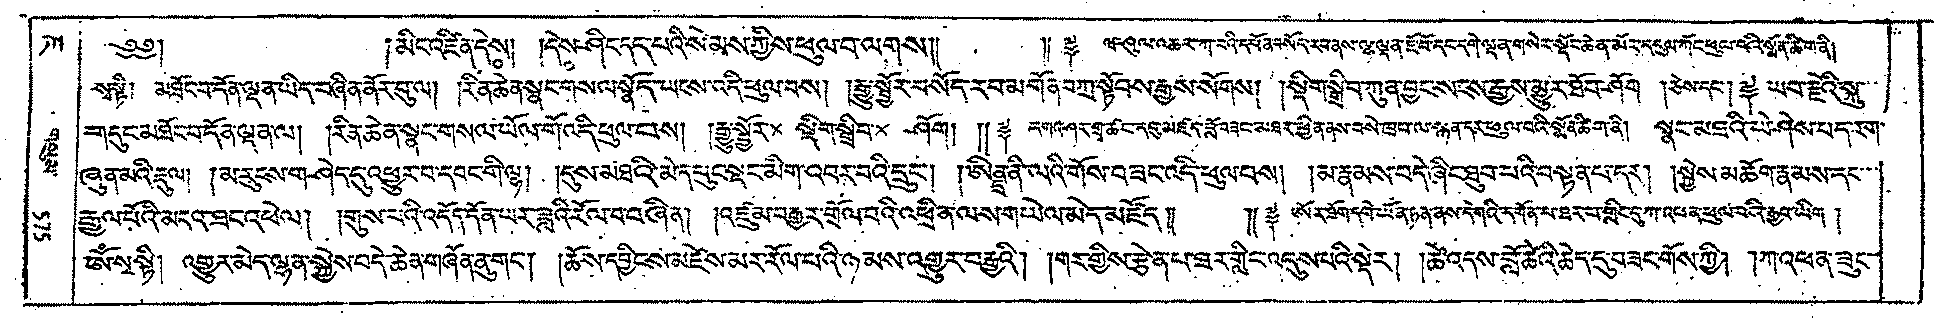༄༅། །མིང་འཛིན་དེས྾། །དེས྾་ཤིང་དད་པའི་སེམས་ཀྱིས་ཕུལ་བ་ལགས།། །། ༈ ཝ་ཤུལ་འཆར་ཀ་བའི་དཔོན་བསོད་རབ་ནས་ལྷ་ལྡན་ཇོ་བོ་དང་དགེ་ལྡན་གསེར་སྡོང་ཆེན་མོར་དངུལ་ཀོང་ཕུལ་བའི་སྨོན་ཚིག་ནི།
སྭ་སྟི། མཐོང་བ་དོན་ལྡན་ཡིད་བཞིན་ནོར་བུ་ལ། །རིན་ཆེན་སྣང་གསལ་སྣོད་ཡངས་འདི་ཕུལ་བས། །རྒྱུ་སྦྱོར་བསོད་རབ་མགོན་བཀྲ་སྟོབས་རྒྱས་སོགས། །སྡིག་སྒྲིབ་ཀུན་བྱང་སངས་རྒྱས་མྱུར་ཐོབ་ཤོག ། ཅེས་དང་།  ༈ ཡབ་རྗེའི་སྐུ་
གདུང་མཐོང་བ་དོན་ལྡན་ལ། །རིན་ཆེན་སྣང་གསལ་ཡོལ་གོ་འདི་ཕུལ་བས། །རྒྱུ་སྦྱོར་྾་སྡིག་སྒྲིབ་྾་ཤོག ། །། ༈ དགའ་ཤར་གྲྭ་ཚང་དབུ་མཛད་བློ་བཟང་མཐར་ཕྱིན་ནས་བསེ་ཁྲབ་ལ་སྙན་དར་ཕུལ་བའི་སྨོན་ཚིག་ནི།  སྣང་མཐའི་ཡེ་ཤེས་པད་རག་
ཞུན་མའི་རྡུལ། །མ་རུངས་གཤེད་དུ་འཕྱུར་བ་དབང་གི་ལྷ། །དུས་མཐའི་མེ་དཔུང་སྡང་མིག་འབར་བའི་དྲུང་། །ཨིནྡྲ་ནི་ལའི་གོས་བཟང་འདི་ཕུལ་བས། །མ་རྣམས་བདེ་ཞིང་ཐུབ་པའི་བསྟན་པ་དར། །སྐྱེས་མཆོག་རྣམས་དང་
རྒྱལ་པོའི་མངའ་ཐང་འཕེལ། །གུས་པའི་འདོད་དོན་ཡར་ཟླའི་རོལ་བ་བཞིན། །འཛུམ་བརྒྱར་གྲོལ་བའི་འཕྲིན་ལས་གཡེལ་མེད་མཛོད།། །། ༈ ཨོར་ཐོག་དགེ་ཡོན་ཏན་ནས་དེ་གའི་དགོན་པ་ཐར་པ་གླིང་དུ་ཀ་འཕན་ཕུལ་བའི་རྒྱབ་ཡིག་།
ཨོཾ་སྭ་སྟི། འགྱུར་མེད་ལྷན་སྐྱེས་བདེ་ཆེན་གཞོན་ནུ་གང་། །ཆོས་དབྱིངས་མཛེས་མར་རོལ་པའི་ཉམས་འགྱུར་བརྒྱའི། །གར་གྱིས་རྩེན་པ་ཐར་གླིང་འདུས་པའི་སྡེར། །ཚེ་འདས་བློ་ཚེའི་ཆེད་དུ་བཟང་གོས་ཀྱི། །ཀ་འཕན་ཟུང་